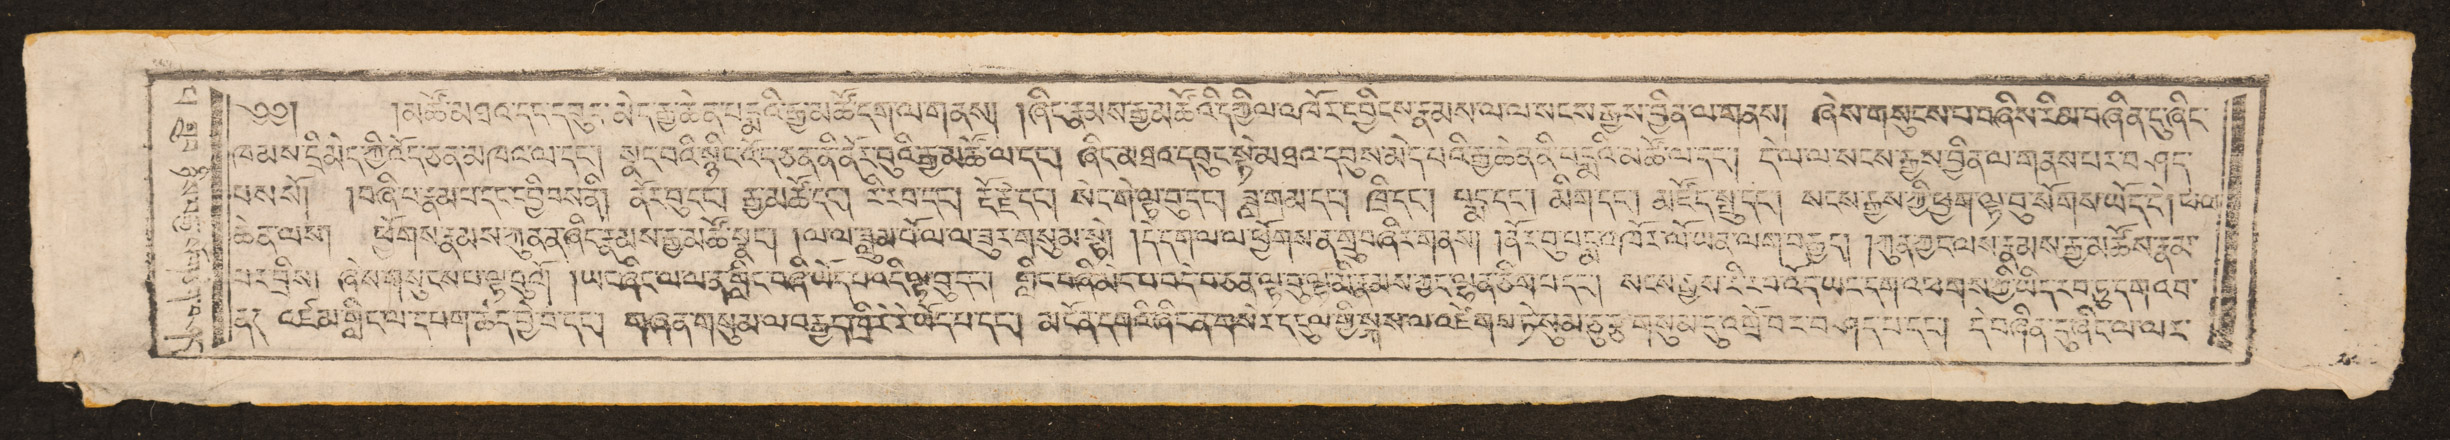༄༅། །མཚོ་མཐའ་དང་དབུང་མེད་རྒྱ་ཆེན་པདམའི་རྒྱ་མཚོ་དག་ལ་གནས། །ཞིང་རྣམས་རྒྱ་མཚོའི་དཀྱིལ་འཁོར་དབྱིངས་རྣམས་ལ་ལ་སངས་རྒྱས་བྱིན་ལ་གནས། ཞེས་གསུངས་པ་བཞིས་རིམ་བཞིན་དུ་ཞིང་
ཁམས་དྲི་མེད་ཀྱི་འོད་ཅན་མཁའ་ལ་དང་། སྣང་བའི་སྙིང་འོད་ཅན་ནི་ནོར་བུའི་རྒྱ་མཚོ་ལ་དང་། ཞིང་མཐའ་དབུང་སྟེ་མཐའ་དབུས་མེད་པའི་རྒྱ་ཆེན་ནི་པདམའི་མཚོ་ལ་དང་། དེ་ལ་ལ་སངས་རྒྱས་བྱིན་ལ་གནས་པར་བཤད་
བས་སོ། བཞི་པ་རྣམ་པ་དང་དབྱིབས་ནི། ནོར་བུ་དང་། རྒྱ་མཚོ་དང་། རི་རབ་དང་། རྡོ་རྗེ་དང་། སེང་གེ་ལྟ་བུ་དང་། ཟླ་གམ་དང་། ཁྲི་དང་། པདམ་དང་། མིག་དང་། མཛོད་སྡུ་དང་། སངས་རྒྱས་ཀྱི་ཕྱག་ལྟ་བུ་སོགས་ཡོད་དེ། ཕལ་
ཆེན་ལས། ཕྱོགས་རྣམས་ཀུན་ན་ཞིང་རྣམས་རྒྱ་མཚོ་སྣང་། །ལ་ལ་ཟླུམ་པོ་ལ་ལ་ཟུར་གསུམ་སྟེ། །དེ་དགལ་ལ་ཕྱོགས་ན་གྲུ་བཞིར་གནས། །ནོར་བུ་པདམ་འཁོར་ལོ་ཡན་ལག་བརྒྱད། །ཀུན་ཀྱང་ལས་རྣམས་རྒྱ་མཚོས་རྣམ་
པར་བྲས། ཞེས་གསུངས་པ་ལྟ་བུའོ། །ཡང་ཞིང་ལ་ལན་གླིང་བཞི་ཡོད་པ་འདི་ལྟ་བུ་དང་། གླིང་བཞི་མེད་པ་བདེ་བ་ཅན་ལྟ་བུ་ལྷ་མི་རྣམས་ཀྱང་ལྷན་ཅིག་པ་དང་། སངས་རྒྱས་རི་རབ་འོད་ཡང་དག་འཕགས་ཀྱི་ཡིད་རབ་ཏུ་དགའ་བ་
ན༑ འཛམ་གླིང་ལ་དཔག་ཚད་བྱེ་བ་དང་། གཞན་གསུམ་ལ་བརྒྱད་ཁྲི་རེ་རེ་ཡོད་པ་དང་། མངོན་དགའི་ཞིང་ན་གསེར་དངུལ་གྱི་སྐས་ལ་འཛེགས་ཏེ་སུམ་ཅུ་རྩ་གསུམ་དུ་འགྲོ་བར་བཤད་པ་དང་། དེ་བཞིན་དུ་ཞིང་ལ་ཡར་